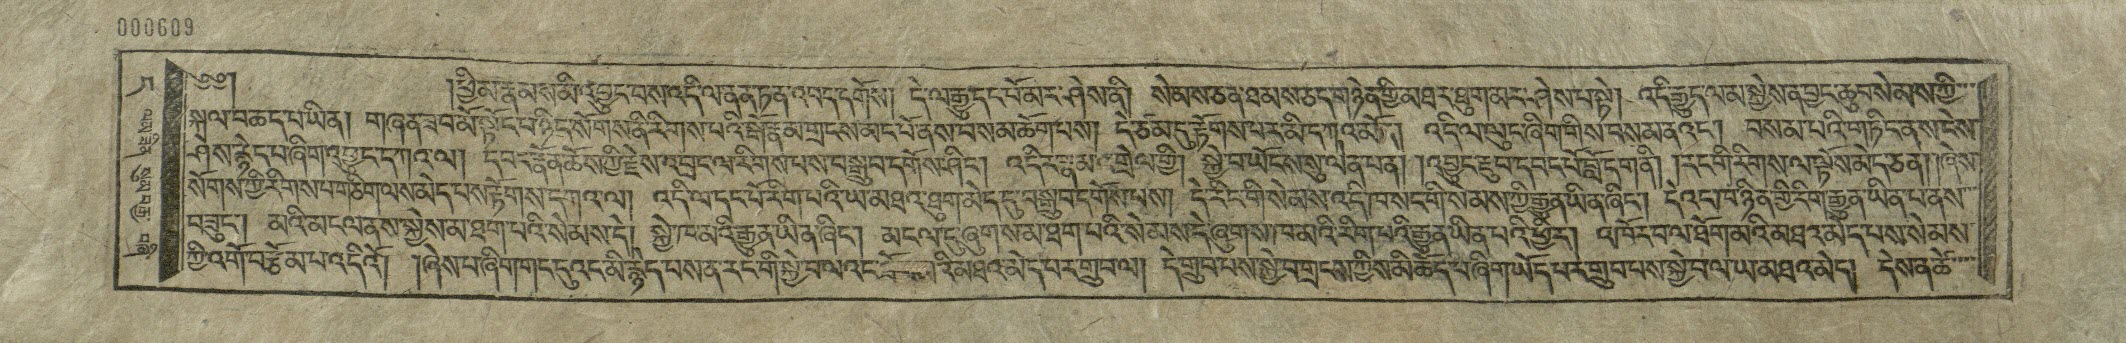༄༅། །ཕྱི་མ་རྣམས་མི་འབྱུང་བས་འདི་ལ་ནན་ཏན་འབད་དགོས། དེ་ལ་རྒྱུ་དང་པོ་མར་ཤེས་ནི། སེམས་ཅན་ཐམས་ཅད་གཉེན་གྱི་མཐར་ཐུག་མར་ཤེས་པ་སྟེ། འདི་རྒྱུད་ལ་མ་སྐྱེས་ན་བྱང་ཆུབ་སེམས་ཀྱི་
སྐལ་བ་ཆད་པ་ཡིན། གཞན་ཟབ་མོ་སྟོང་པ་ཉིད་སོགས་ནི་རིགས་པའི་སྒོ་རྣམ་གྲངས་མང་པོ་ནས་བསམ་ཆོག་པས། དེ་ཙམ་དུ་རྟོགས་པར་མི་དཀའ་མོད། འདི་ལ་ལུང་ཞིག་གིས་བསམ་ནའང་། བསམ་པའི་གཏིང་ནས་ངེས་
ཤེས་རྙེད་པ་ཞིག་འབྱུང་དཀའ་ལ། དབང་རྣོན་ཆོས་ཀྱི་རྗེས་འབྲང་ལ་རིགས་པས་བསྒྲུབ་དགོས་ཤིང་། འདིར་རྣམ་འགྲེལ་གྱི། སྐྱེ་བ་ཡོངས་སུ་ལེན་པ་ན། །འབྱུང་རྡུབ་དབང་པོ་བློ་དག་ནི། །རང་གི་རིགས་ལ་ལྟོས་མེད་ཅན། །ཞེས་
སོགས་ཀྱི་རིགས་པ་གཅིག་ལས་མེད་པས་རྟོགས་དཀའ་ལ། འདི་ལ་དང་པོ་རིག་པའི་ཡ་མཐའ་ཐུག་མེད་དུ་བསྒྲུབ་དགོས་པས། དེ་རིང་གི་སེམས་འདི་ཁ་སང་གི་སེམས་ཀྱི་རྒྱུན་ཡིན་ཞིང་། དེའང་ཁ་ཉིན་གྱི་རིག་རྒྱུན་ཡིན་པ་ནས་
བཟུང་། མའི་མངལ་ནས་སྐྱེས་མ་ཐག་པའི་སེམས་དེ། སྐྱེ་ཁ་མའི་རྒྱུན་ཡིན་ཞིང་། མངལ་དུ་ཞུགས་མ་ཐག་པའི་སེམས་དེ་ཞུགས་ཁ་མའི་རིག་པའི་རྒྱུན་ཡིན་པའི་ཕྱིར། འཁོར་བ་ལ་ཐོག་མའི་མཐའ་མེད་པས་སེམས་
ཀྱི་འགོ་བརྩོམ་པ་འདིའོ། །ཞེས་པ་ཞིག་གང་དུའང་མི་རྙེད་པས་ན་རང་གི་སྐྱེ་བ་ལའང་ཐོག་མའི་མཐའ་མེད་པར་གྲུབ་ལ། དེ་གྲུབ་པས་སྐྱེ་བ་གྲངས་ཀྱིས་མི་ཆོད་པ་ཞིག་ཡོད་པར་གྲུབ་པས་སྐྱེ་བ་ལ་ཡ་མཐའ་མེད། དེས་ན་ཚེ་